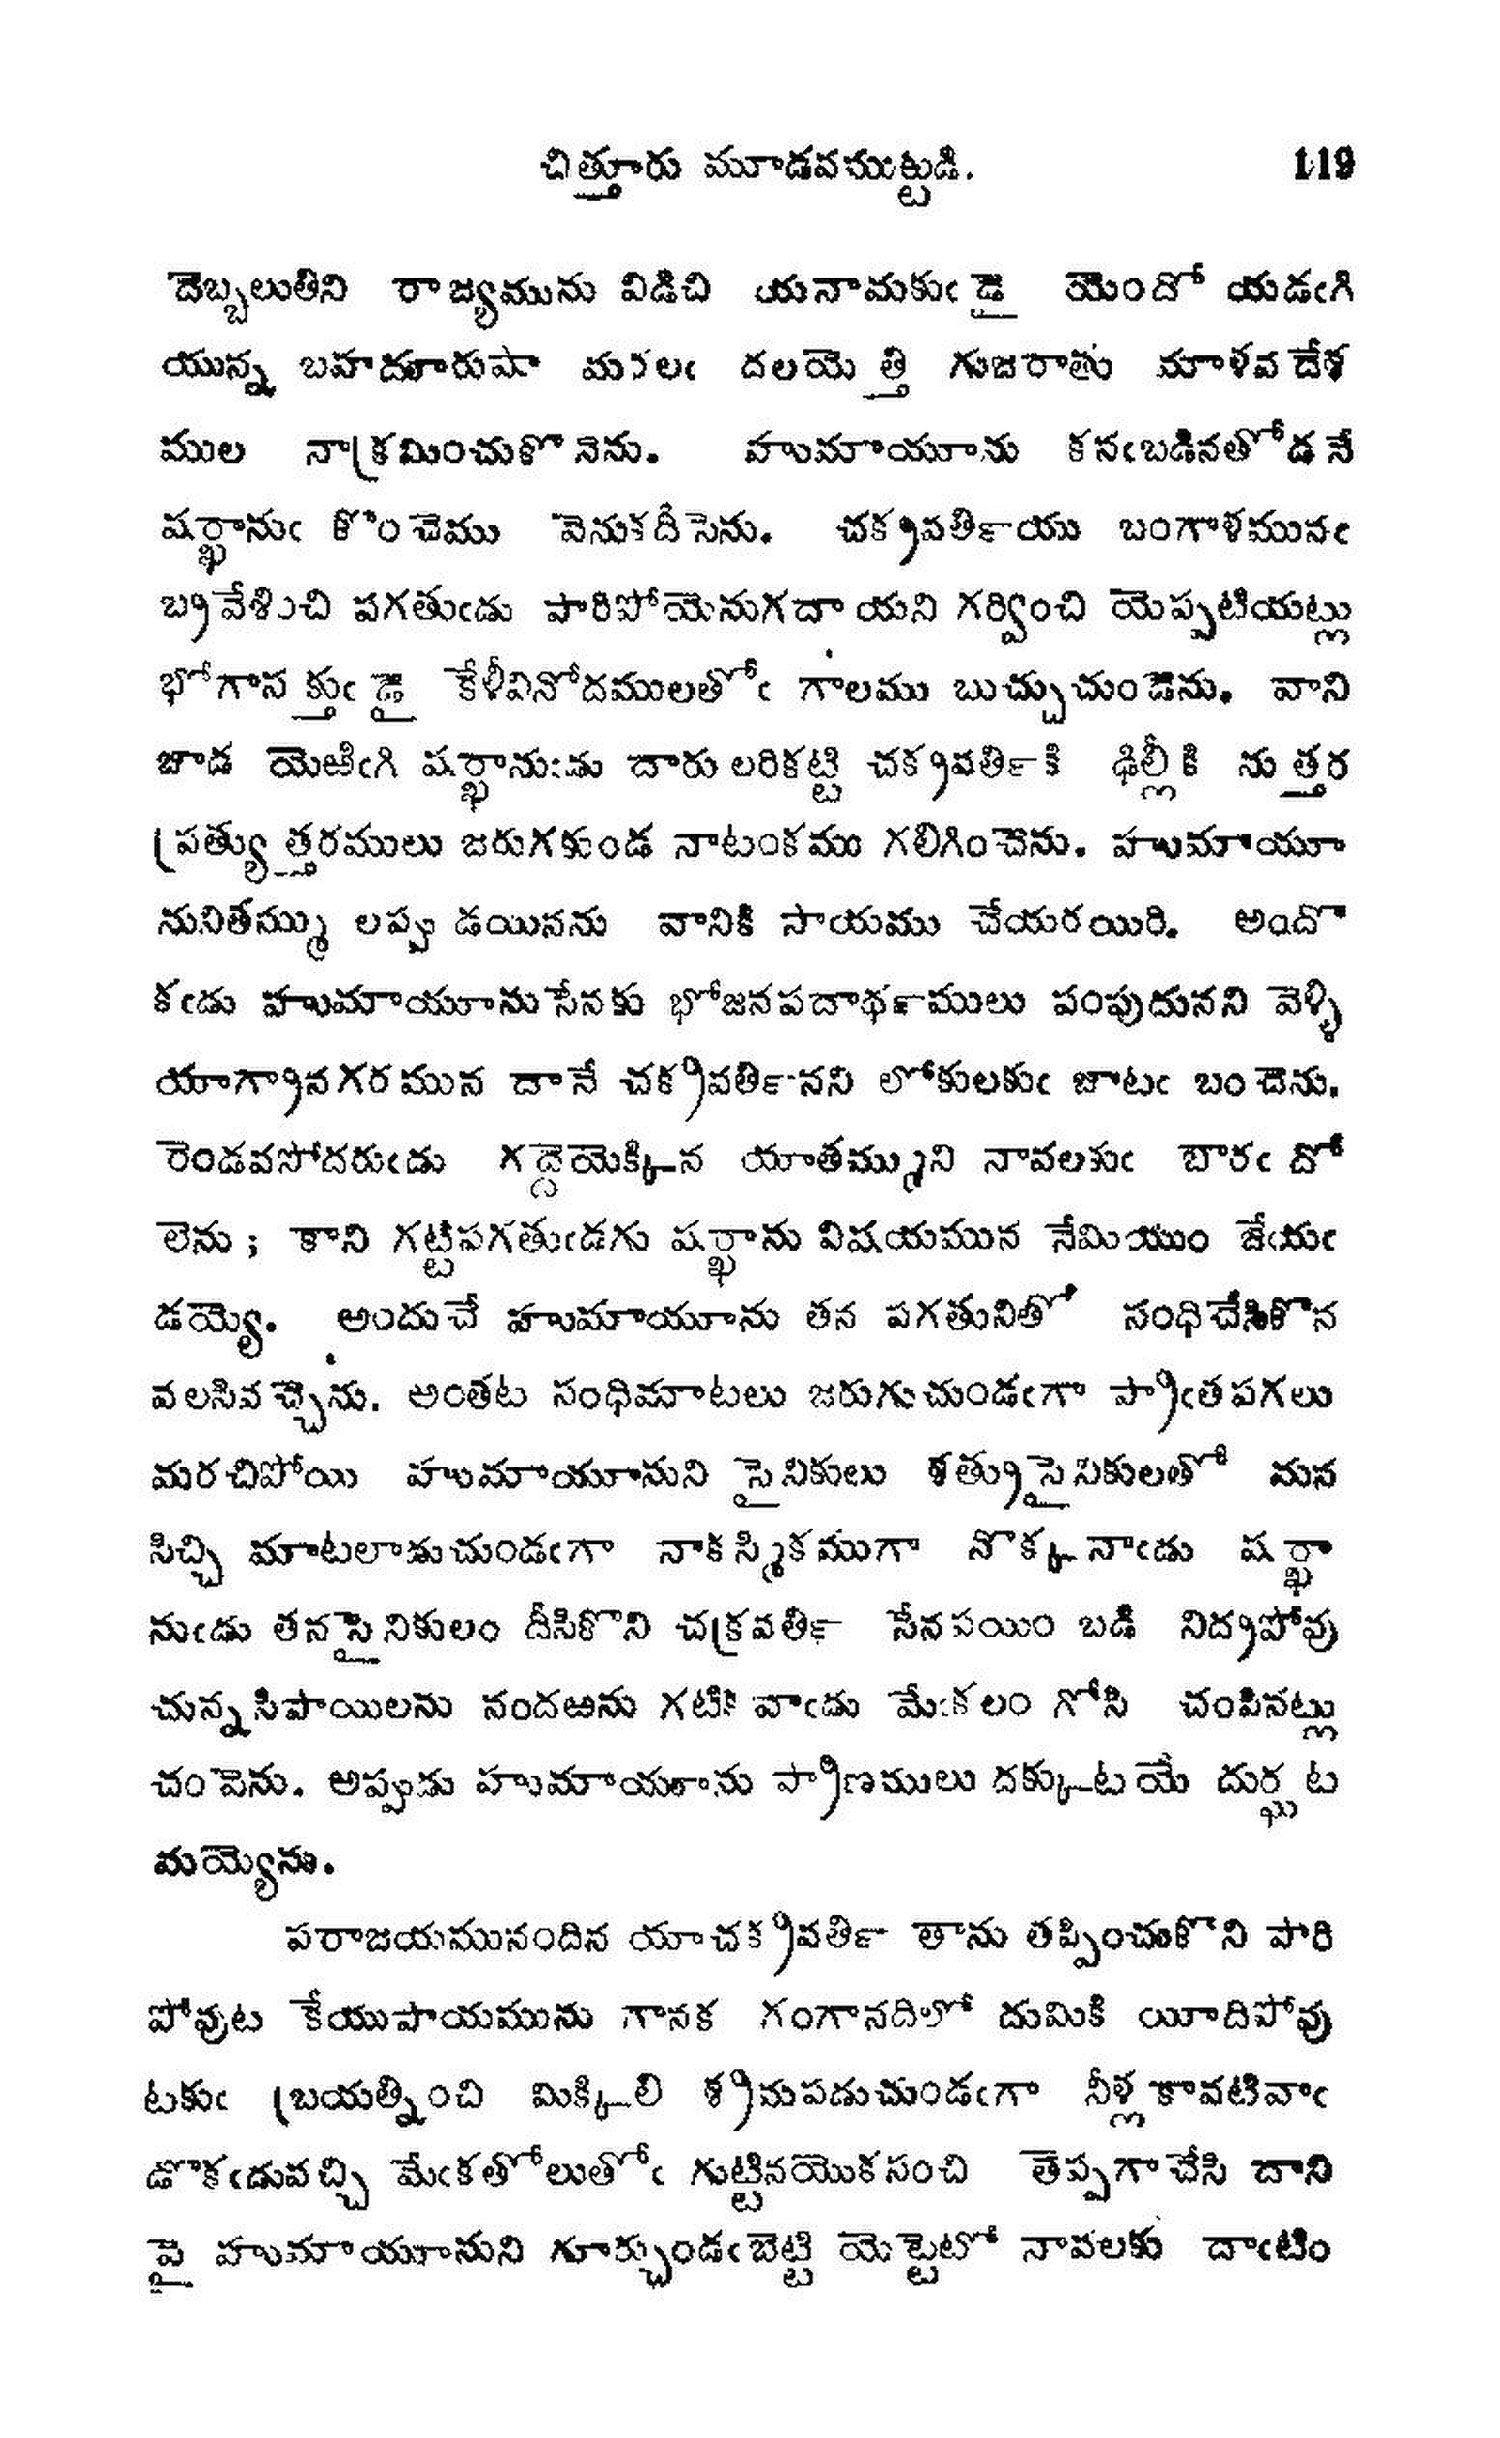దెబ్బలుతిని రాజ్యమును విడిచి యనామకుఁ డై యెందో యడంగి యున్న బహదూరుషా మరలఁ దలయెత్తి గుజరాతు మాళవదేశముల నాక్రమించుకొనెను. హుమాయూను కనఁబడినతోడనే షర్టానుఁ కొంచెము 'వెనుకదీసెను. చక్రవతి౯యు బంగాళమునఁ బ్రవేశించి పగతుఁడు పారిపోయెనుగదా యని గర్వించి యెప్పటియట్లు భోగాసక్తుఁడై కేళీఖినోదములతోఁ గాలము బుచ్చుచుండెను. వాని జాడ యెఱిఁగి షర్ఖానుఁడు దారు లరికట్టి చక్రపతి౯కి ఢిల్లీకి నుత్తర ప్రత్యుత్తరములు జరుగకుండ నాటంకము గలిగించెను. హుమాయూనునితమ్ము లప్పుడయినను వానికి సాయము చేయరయిరి. అందొకఁడు హుమాయూసు సేనకు భోజన పదాథ౯ములు పంపుదునని వెళ్ళి యాగ్రానగరమున దానే చక్రవతి౯నని లోకులకుఁ జాటఁ బంచెను. రెండవ సోదరుఁడు గద్దెయెక్కిన యాతమ్ముని నావలకుఁ బారఁ దోలెను; కాని గట్టిపగతుఁడగు షర్ఖాను విషయమున నేమియుం జేయఁడయ్యె. అందుచే హుమాయూను తన పగతునితో సంధి చేసికొనవలసివచ్చెను. అంతట సంధిమాటలు జరుగుచుండఁగా ప్రాఁత పగలు మరచిపోయి హుమాయూనుని సైనికులు శత్రు సైనికులతో మనసిచ్చి మాటలాడుచుండఁగా నాకస్మికముగా నొక్కనాఁడు షర్ఖా
నుఁడు తన సైనికులం దీసికొని చక్రపతి౯ సేన పయింబడి నిద్రపోవు చున్న సిపాయిలను నందఱను గటిక వాఁడు మేఁకలం గోసి చంపినట్లు
చంపెను. అప్పుడు హుమాయూలను ప్రాణములు దక్కుటయే దుర్ఘటమయ్యెను.

పరాజయమునందిన యాచక్రవతి౯ తాను తప్పించుకొని పారిపోవుట కేయుపాయమును గానక గంగానదిలో దుమికి యీదిపోవుటకుఁ బ్రయత్నించి మిక్కిలి శ్రమపడుచుండఁగా నీళ్ల కావటివాఁడొకఁడువచ్చి మేఁకతోలుతోఁ గుట్టిన యొకసంచి తెప్పగా చేసి దానిపై
హుమాయూనుని గూర్చుండఁ బెట్టి యెట్టెటో నావలకు దాఁటిం